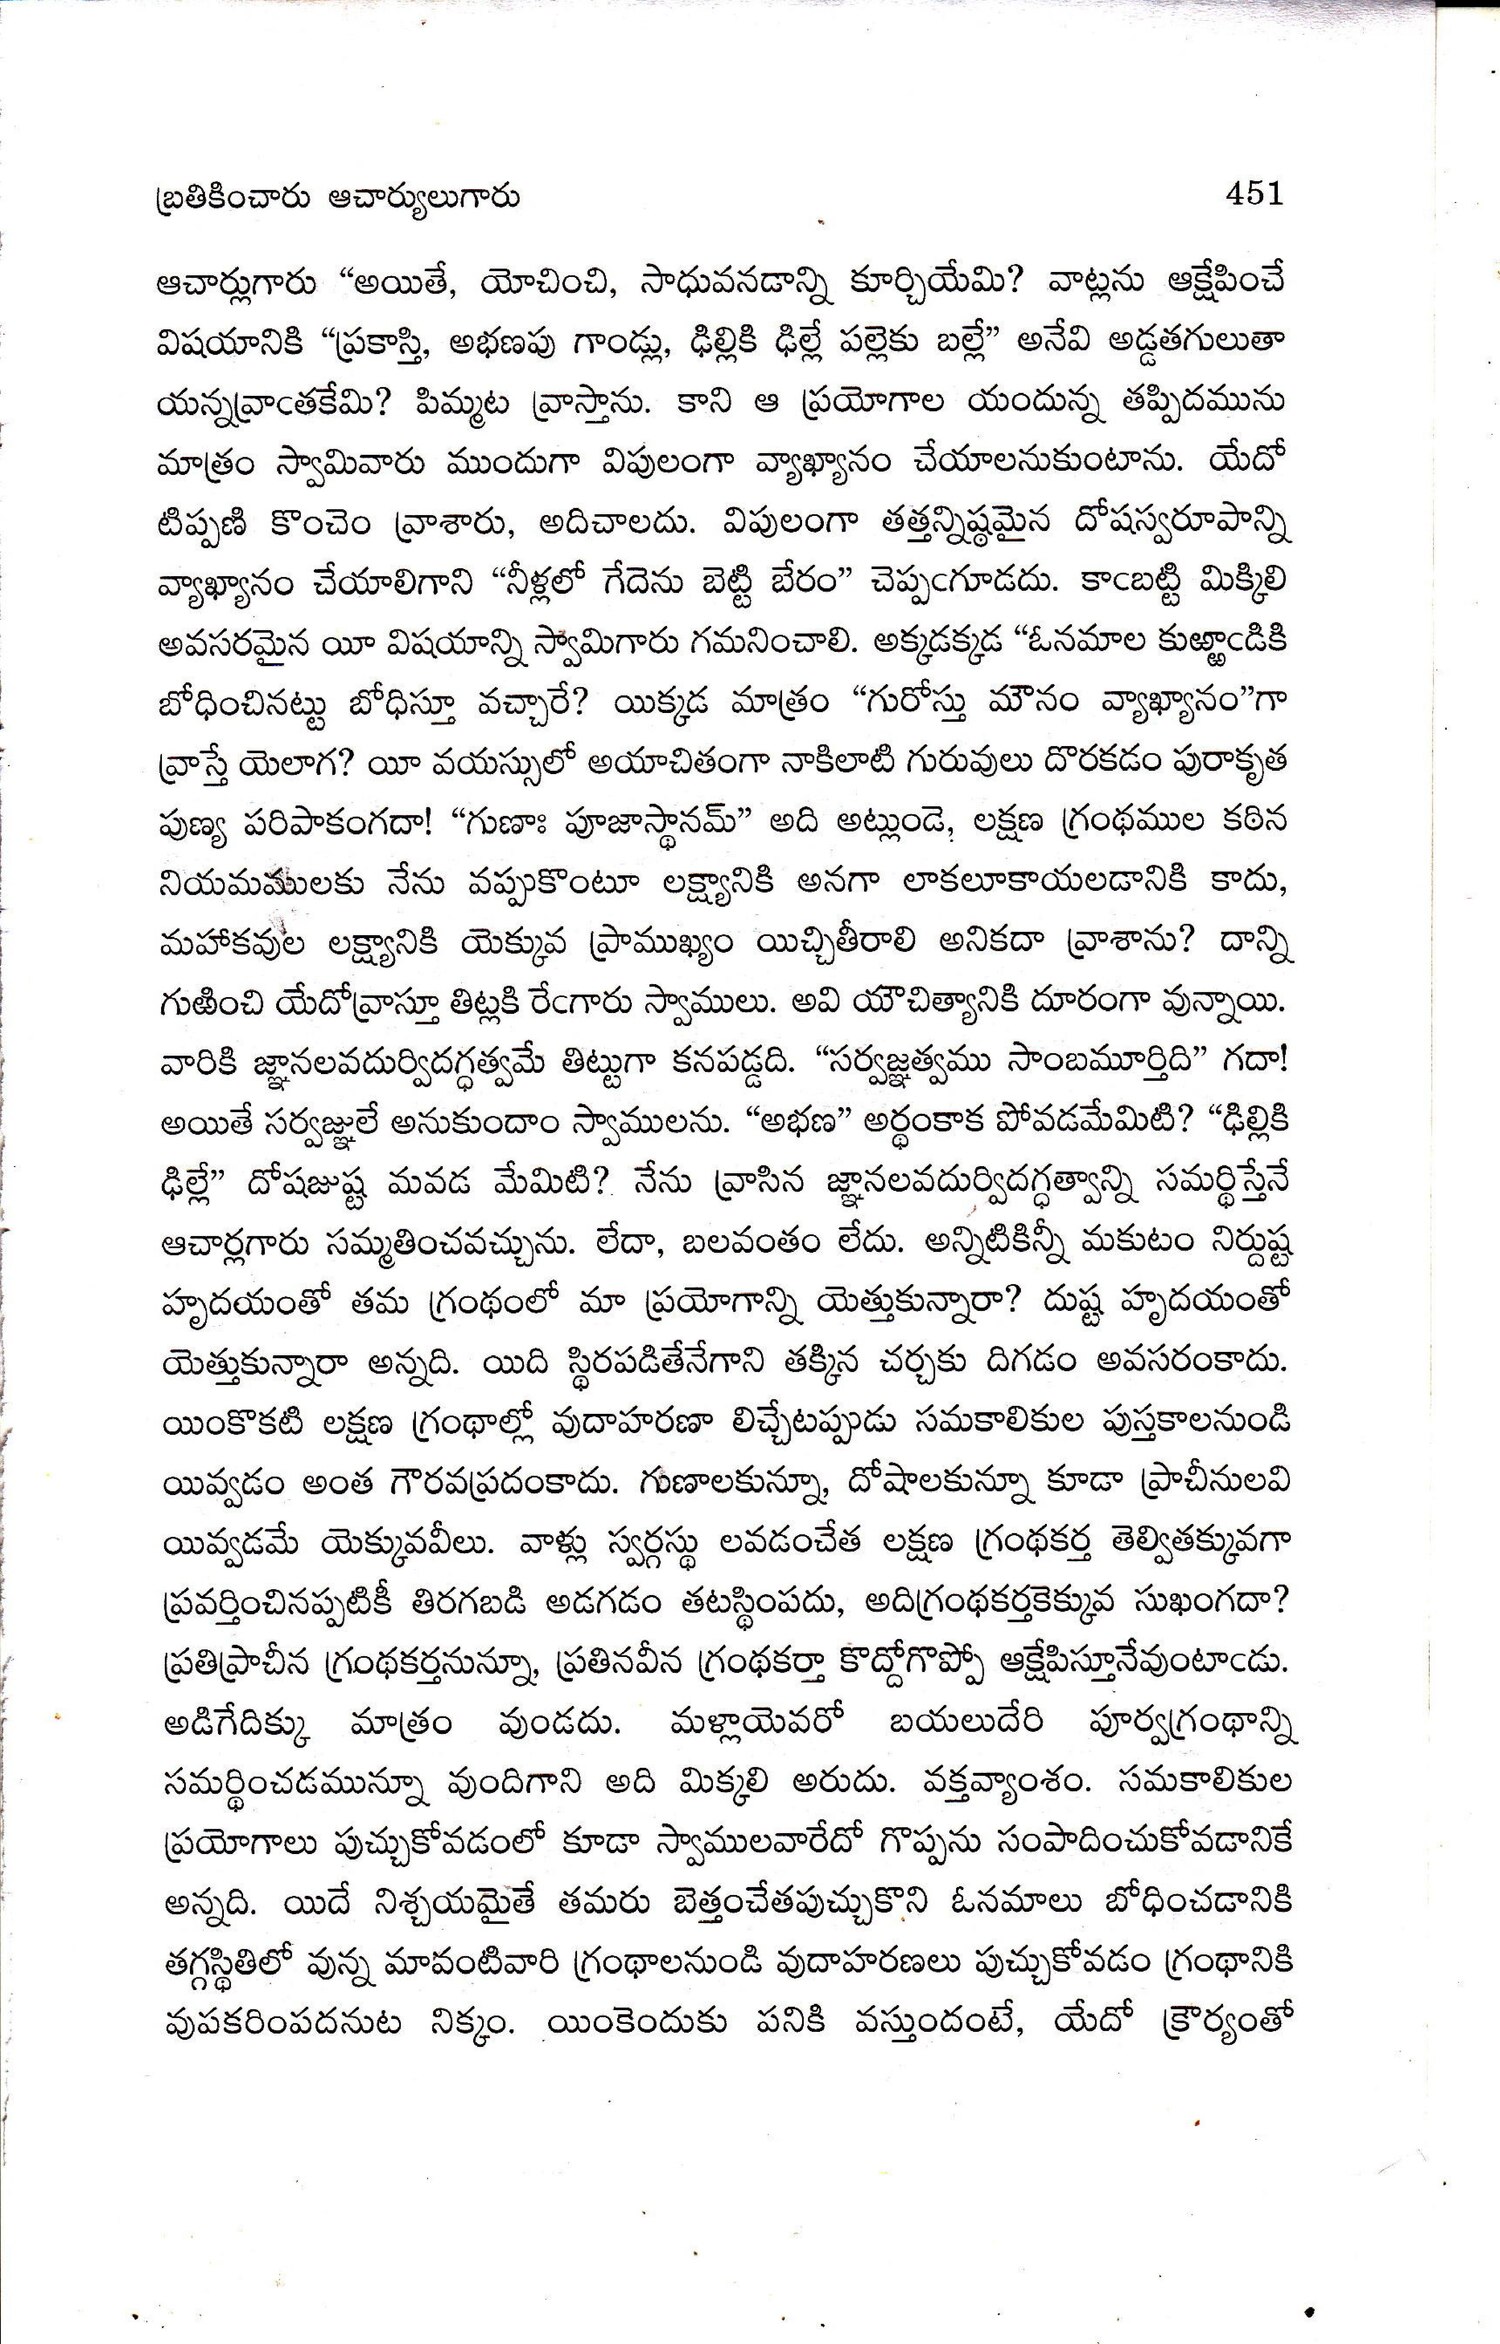ఆచార్లుగారు “అయితే, యోచించి, సాధువనడాన్ని కూర్చియేమి? వాట్లను ఆక్షేపించే విషయానికి “ప్రకాస్తి, అభణపు గాండ్లు, ఢిల్లికి ఢిల్లే పల్లెకు బల్లే" అనేవి అడ్డతగులుతా యన్నవ్రాఁతకేమి? పిమ్మట వ్రాస్తాను. కాని ఆ ప్రయోగాల యందున్న తప్పిదమును మాత్రం స్వామివారు ముందుగా విపులంగా వ్యాఖ్యానం చేయాలనుకుంటాను. యేదో టిప్పణి కొంచెం వ్రాశారు, అదిచాలదు. విపులంగా తత్తన్నిష్ఠమైన దోషస్వరూపాన్ని వ్యాఖ్యానం చేయాలిగాని "నీళ్లలో గేదెను బెట్టి బేరం" చెప్పఁగూడదు. కాఁబట్టి మిక్కిలి అవసరమైన యీ విషయాన్ని స్వామిగారు గమనించాలి. అక్కడక్కడ “ఓనమాల కుఱ్ఱాఁడికి బోధించినట్టు బోధిస్తూ వచ్చారే? యిక్కడ మాత్రం “గురోస్తు మానం వ్యాఖ్యానం"గా వ్రాస్తే యెలాగ? యీ వయస్సులో అయాచితంగా నాకిలాటి గురువులు దొరకడం పురాకృత పుణ్య పరిపాకంగదా! "గుణాః పూజాస్థానమ్” అది అట్లుండె, లక్షణ గ్రంథముల కఠిన నియమములకు నేను వప్పుకొంటూ లక్ష్యానికి అనగా లాకలూకాయలడానికి కాదు, మహాకవుల లక్ష్యానికి యెక్కువ ప్రాముఖ్యం యిచ్చితీరాలి అనికదా వ్రాశాను? దాన్ని గుఱించి యేదోవ్రాస్తూ తిట్లకి రేఁగారు స్వాములు. అవి యాచిత్యానికి దూరంగా వున్నాయి. వారికి జ్ఞానలవదుర్విదగ్ధత్వమే తిట్టుగా కనపడ్డది. “సర్వజ్ఞత్వము సాంబమూర్తిది" గదా! అయితే సర్వజ్ఞులే అనుకుందాం స్వాములను. “అభణ" అర్థంకాక పోవడమేమిటి? “ఢిల్లికి ఢిల్లే" దోషజుష్ట మవడ మేమిటి? నేను వ్రాసిన జ్ఞానలవదుర్విదగ్ధత్వాన్ని సమర్ధిస్తేనే ఆచార్లగారు సమ్మతించవచ్చును. లేదా, బలవంతం లేదు. అన్నిటికిన్నీ మకుటం నిరుష్ట హృదయంతో తమ గ్రంథంలో మా ప్రయోగాన్ని యెత్తుకున్నారా? దుష్ట హృదయంతో యెత్తుకున్నారా అన్నది. యిది స్థిరపడితేనేగాని తక్కిన చర్చకు దిగడం అవసరంకాదు. యింకొకటి లక్షణ గ్రంథాల్లో వుదాహరణా లిచ్చేటప్పుడు సమకాలికుల పుస్తకాలనుండి యివ్వడం అంత గౌరవప్రదంకాదు. గుణాలకున్నూ దోషాలకున్నూ కూడా ప్రాచీనులవి యివ్వడమే యెక్కువవీలు. వాళ్లు స్వర్గస్థు లవడంచేత లక్షణ గ్రంథకర్త తెల్వితక్కువగా ప్రవర్తించినప్పటికీ తిరగబడి అడగడం తటస్థింపదు, అదిగ్రంథకర్తకెక్కువ సుఖంగదా? ప్రతిప్రాచీన గ్రంథకర్తనున్నూ ప్రతినవీన గ్రంథకర్తా కొద్దోగొప్పో ఆక్షేపిస్తూనేవుంటాఁడు. అడిగేదిక్కు మాత్రం వుండదు. మళ్లాయెవరో బయలుదేరి పూర్వగ్రంథాన్ని సమర్ధించడమున్నూ వుందిగాని అది మిక్కలి అరుదు. వక్తవ్యాంశం. సమకాలికుల ప్రయోగాలు పుచ్చుకోవడంలో కూడా స్వాములవారేదో గొప్పను సంపాదించుకోవడానికే అన్నది. యిదే నిశ్చయమైతే తమరు బెత్తంచేతపుచ్చుకొని ఓనమాలు బోధించడానికి తగ్గస్థితిలో వున్న మావంటివారి గ్రంథాలనుండి వుదాహరణలు పుచ్చుకోవడం గ్రంథానికి వుపకరింపదనుట నిక్కం. యింకెందుకు పనికి వస్తుందంటే, యేదో క్రౌర్యంతో